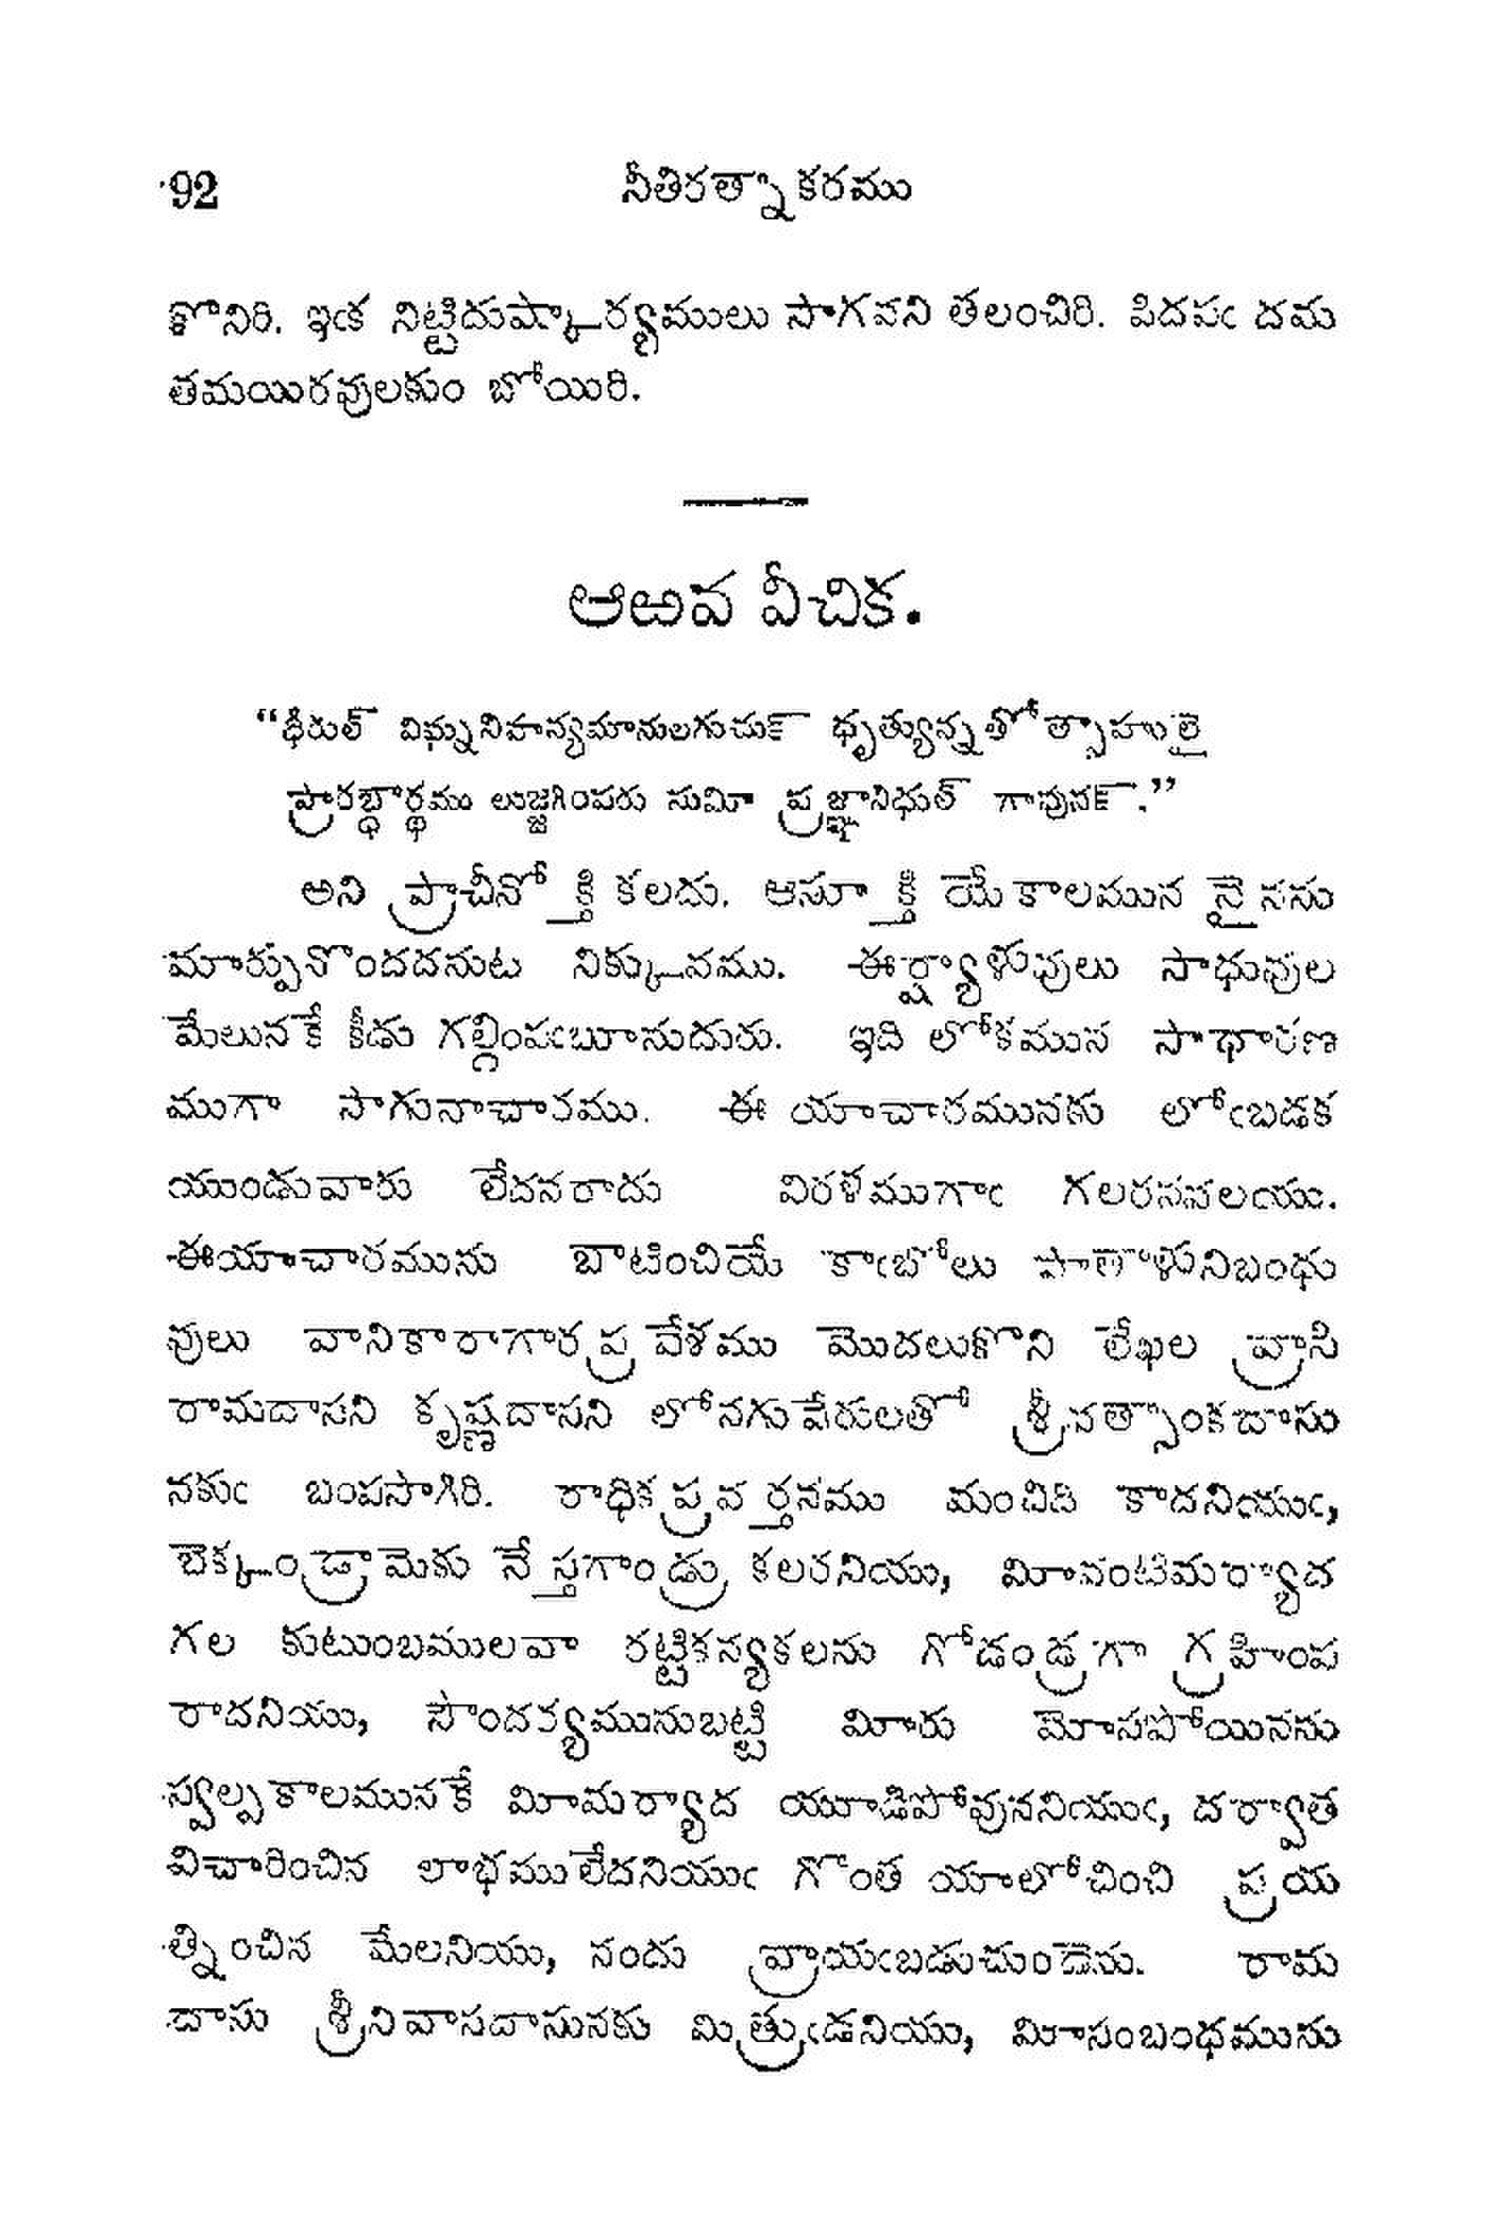కొనిరి. ఇఁక నిట్టిదుష్కార్యములు సాగవని తలంచిరి. పిదపఁ దమ తమయిరవులకుం బోయిరి.

ఆఱవ వీచిక. 

“ధీరుల్ విఘ్న నిహన్యమానులగుచుక్ ధృత్యున్నతో శ్సాహులై 
ప్రారబ్దార్థము లుజ్జగింపరు సుమీ ప్రజ్ఞానిధుల్' గావున!".”

అని ప్రాచీనోక్తి కలదు. ఆనూ క్తి యే కాలమున నైనను మార్పునొందదనుట నిక్కునము. ఈ ర్యాళువులు సాధువుల మేలున కే కీడు గల్గింపఁ బూనుదురు. ఇది లోకముస సాధారణ ముగా సాగునాచావము. ఈ యాచారమునకు లోబడక యుండువారు లేదన రాదు విరళముగా గలరసవలయు. -ఈయాచారమును బాటించియే "కాఁబోలు పాళు నిబంధు వులు వాని కారాగార ప్ర వేశము మొదలుకొని లేఖల వాసి రారామదాసని కృష్ణదాసని లోనగు పేరులతో శ్రీవత్సాంకదాసు నకుఁ బంపసాగిరి. రాధిక ప్రవర్తనము మంచిక "కాదనియుఁ, బెక్కం డ్రామెకు నే స్తగాండ్రు, కలరనియు, మీవంటిమం"్యద గల కుటుంబముల వా కట్టికన్యకలను గోడండ్రగా గ్రహింప రాదనియు, సౌందర్యమునుబట్టి మీరు మోసపోయినను స్వల్ప కాలమునకే మీమర్యాద యూడిపోవుననియుఁ, దర్వాత విచారించిన లాభము లేదనియుఁ గొంత యాలో చించి ప్రయ త్నించిన మేలనియు, నందు వాయఁబడుచుండెను. రామ దాసు శ్రీనివాసదాసునకు మిత్రుడనియు, మీసంబంధమును